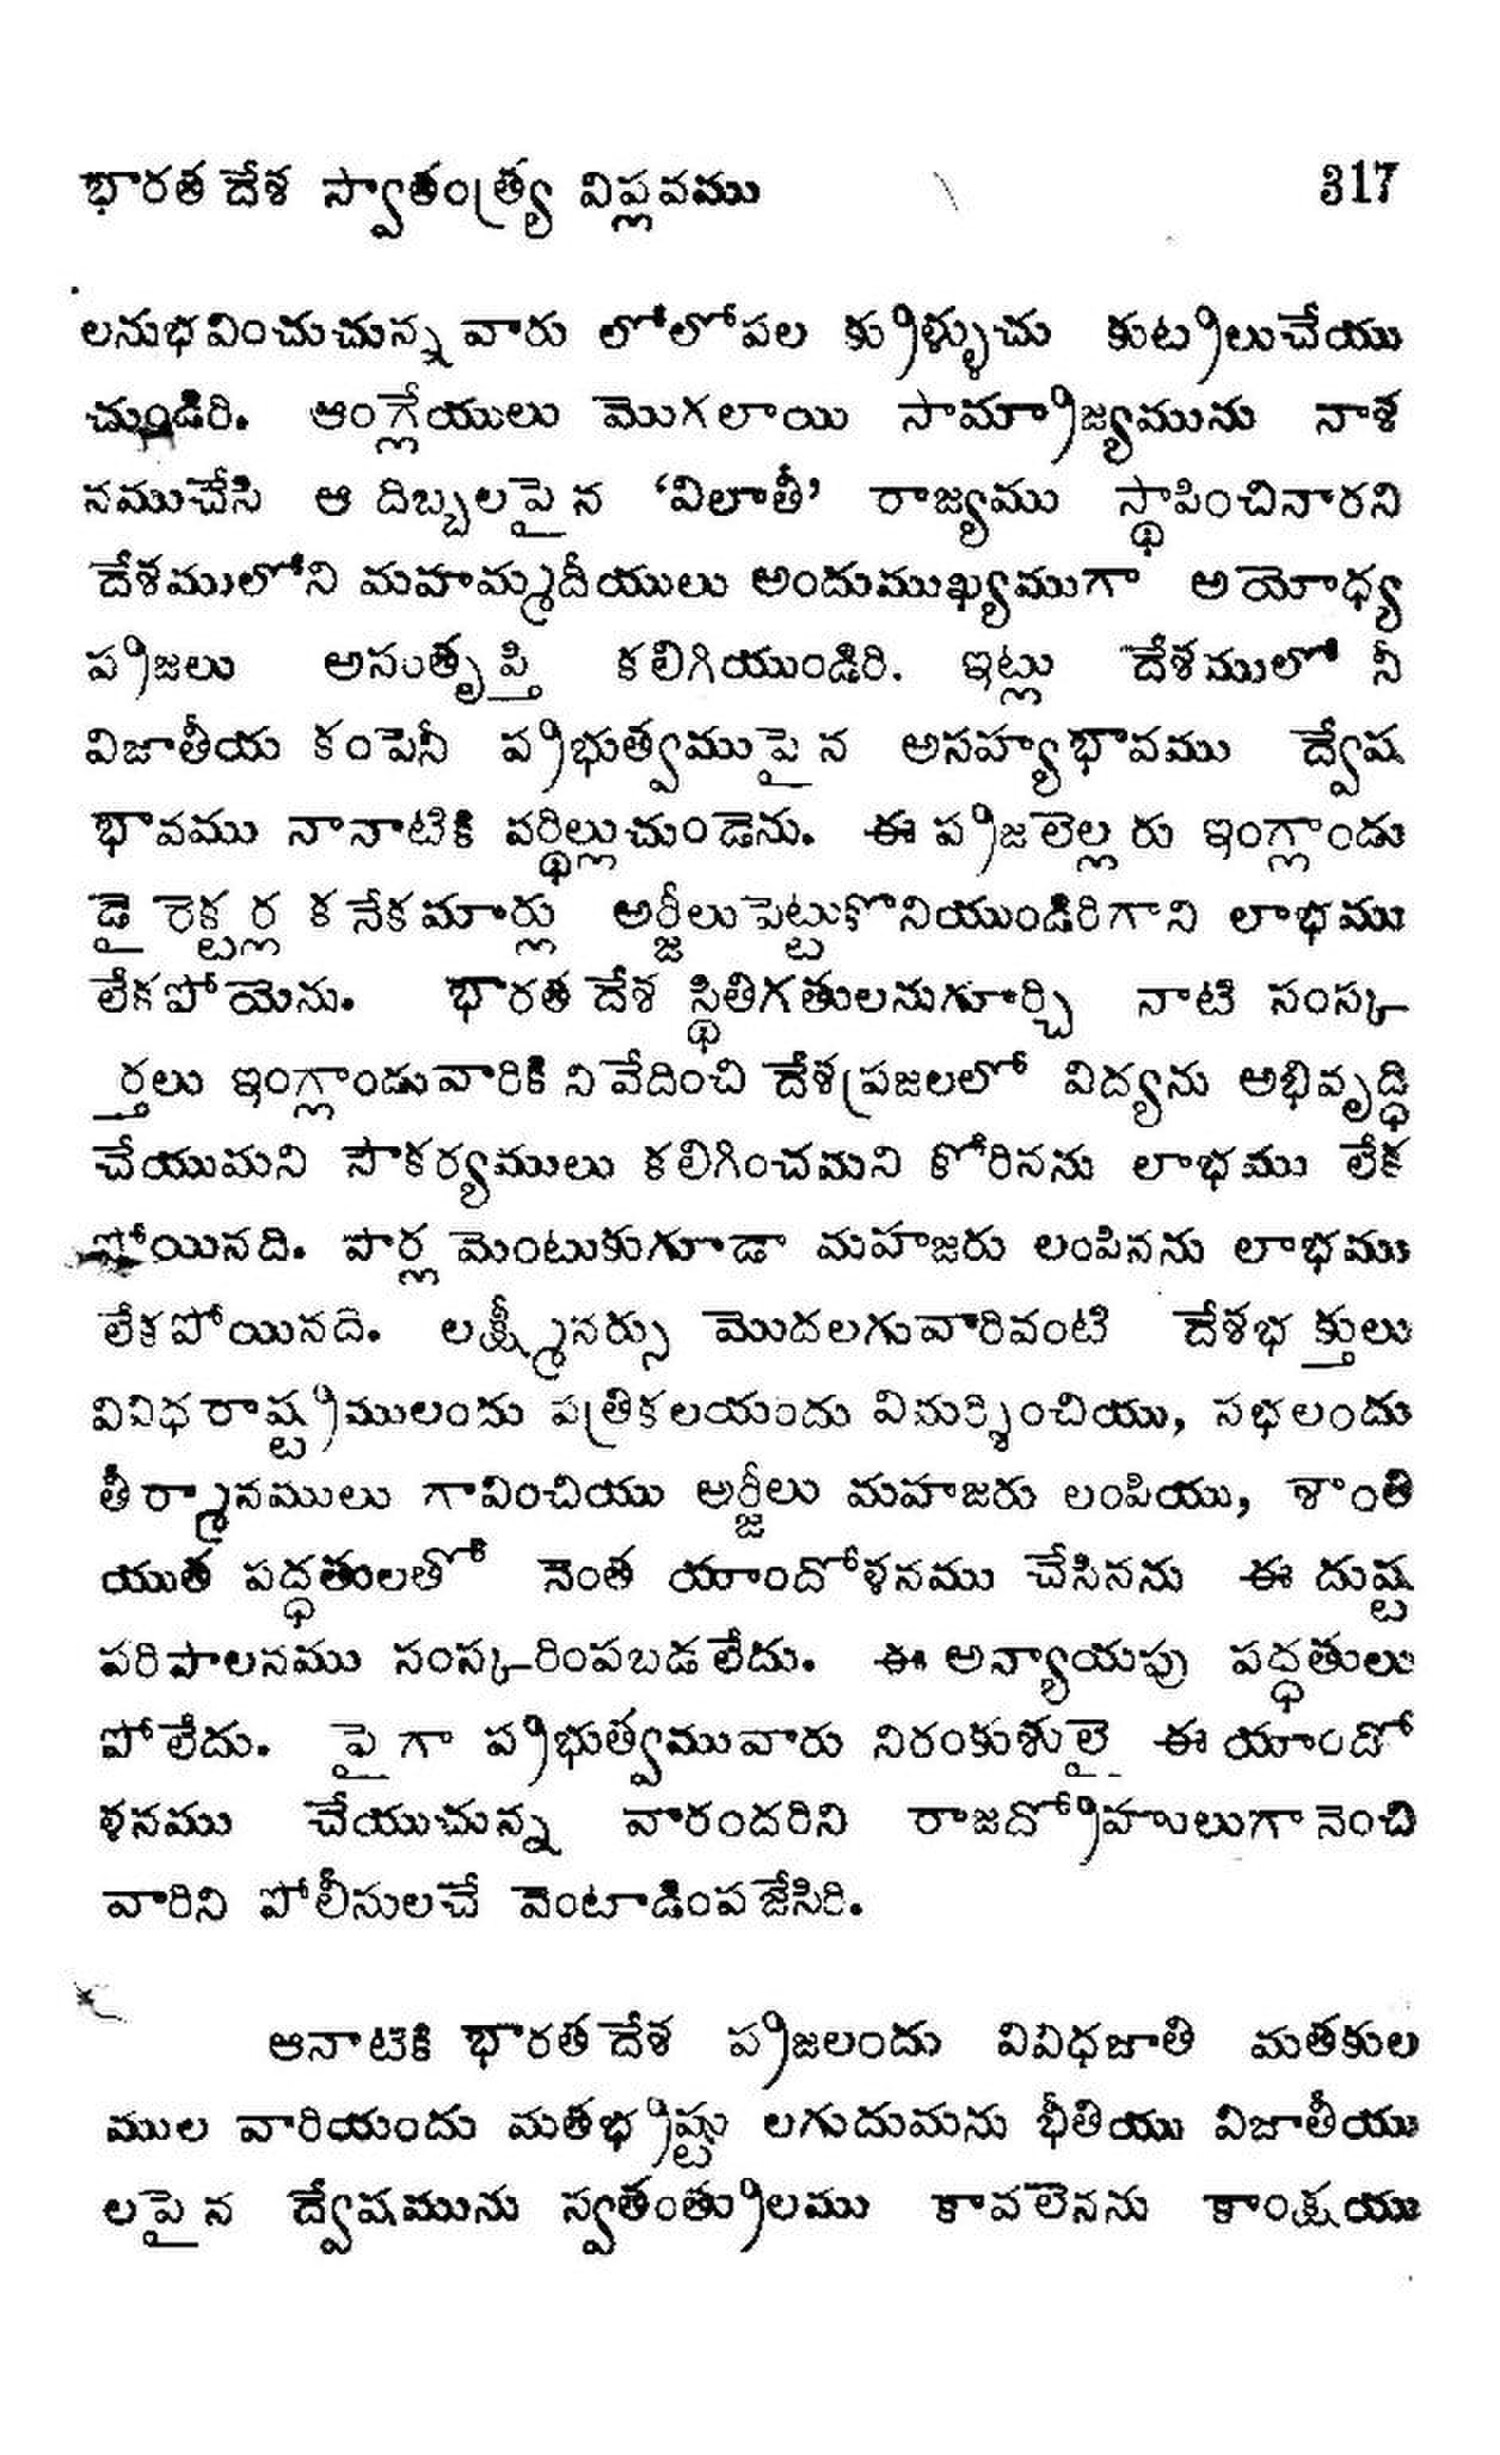లనుభవించుచున్నవారు లోలోపల క్రుళ్ళుచు కుట్రలుచేయుచుండిరి. ఆంగ్లేయులు మొగలాయి సామ్రాజ్యమును నాశనముచేసి ఆ దిబ్బలపైన 'విలాతీ' రాజ్యము స్థాపించినారని దేశములోని మహమ్మదీయులు అందుముఖ్యముగా అయోధ్య ప్రజలు అసంతృప్తి కలిగియుండిరి. ఇట్లు దేశములో నీ విజాతీయ కంపెనీ ప్రభుత్వముపైన అసహ్యభావము ద్వేషభావము నానాటికి వర్థిల్లుచుండెను. ఈ ప్రజలెల్లరు ఇంగ్లాండు డైరెక్టర్ల కనేకమార్లు అర్జీలుపెట్టుకొనియుండిరిగాని లాభము లేకపోయెను. భారతదేశ స్థితిగతులనుగూర్చి నాటి సంస్కర్తలు ఇంగ్లాండువారికి నివేదించి దేశప్రజలలో విద్యను అభివృద్ధి చేయుమని సౌకర్యములు కలిగించమని కోరినను లాభము లేకషోయినది. పార్ల మెంటుకుగూడా మహజరు లంపినను లాభములేకపోయినది. లక్ష్మీనర్సు మొదలగువారివంటి దేశభక్తులు వివిధరాష్ట్రములందు పత్రికలయందు విమర్శించియు, సభలందు తీర్మానములు గావించియు అర్జీలు మహజరు లంపియు, శాంతియుత పద్ధతులతో నెంత యాందోళనము చేసినను ఈ దుష్టపరిపాలనము సంస్కరింపబడలేదు. ఈ అన్యాయపు పద్ధతులు పోలేదు. పైగా ప్రభుత్వమువారు నిరంకుశులై ఈ యాందోళనము చేయుచున్న వారందరిని రాజద్రోహులుగా నెంచి వారిని పోలీసులచే వెంటాడింపజేసిరి.

ఆనాటికి భారతదేశ ప్రజలందు వివిధజాతి మతకులముల వారియందు మతభ్రష్టు లగుదుమను భీతియు విజాతీయులపైన ద్వేషమును స్వతంత్రులము కావలెనను కాంక్షయు